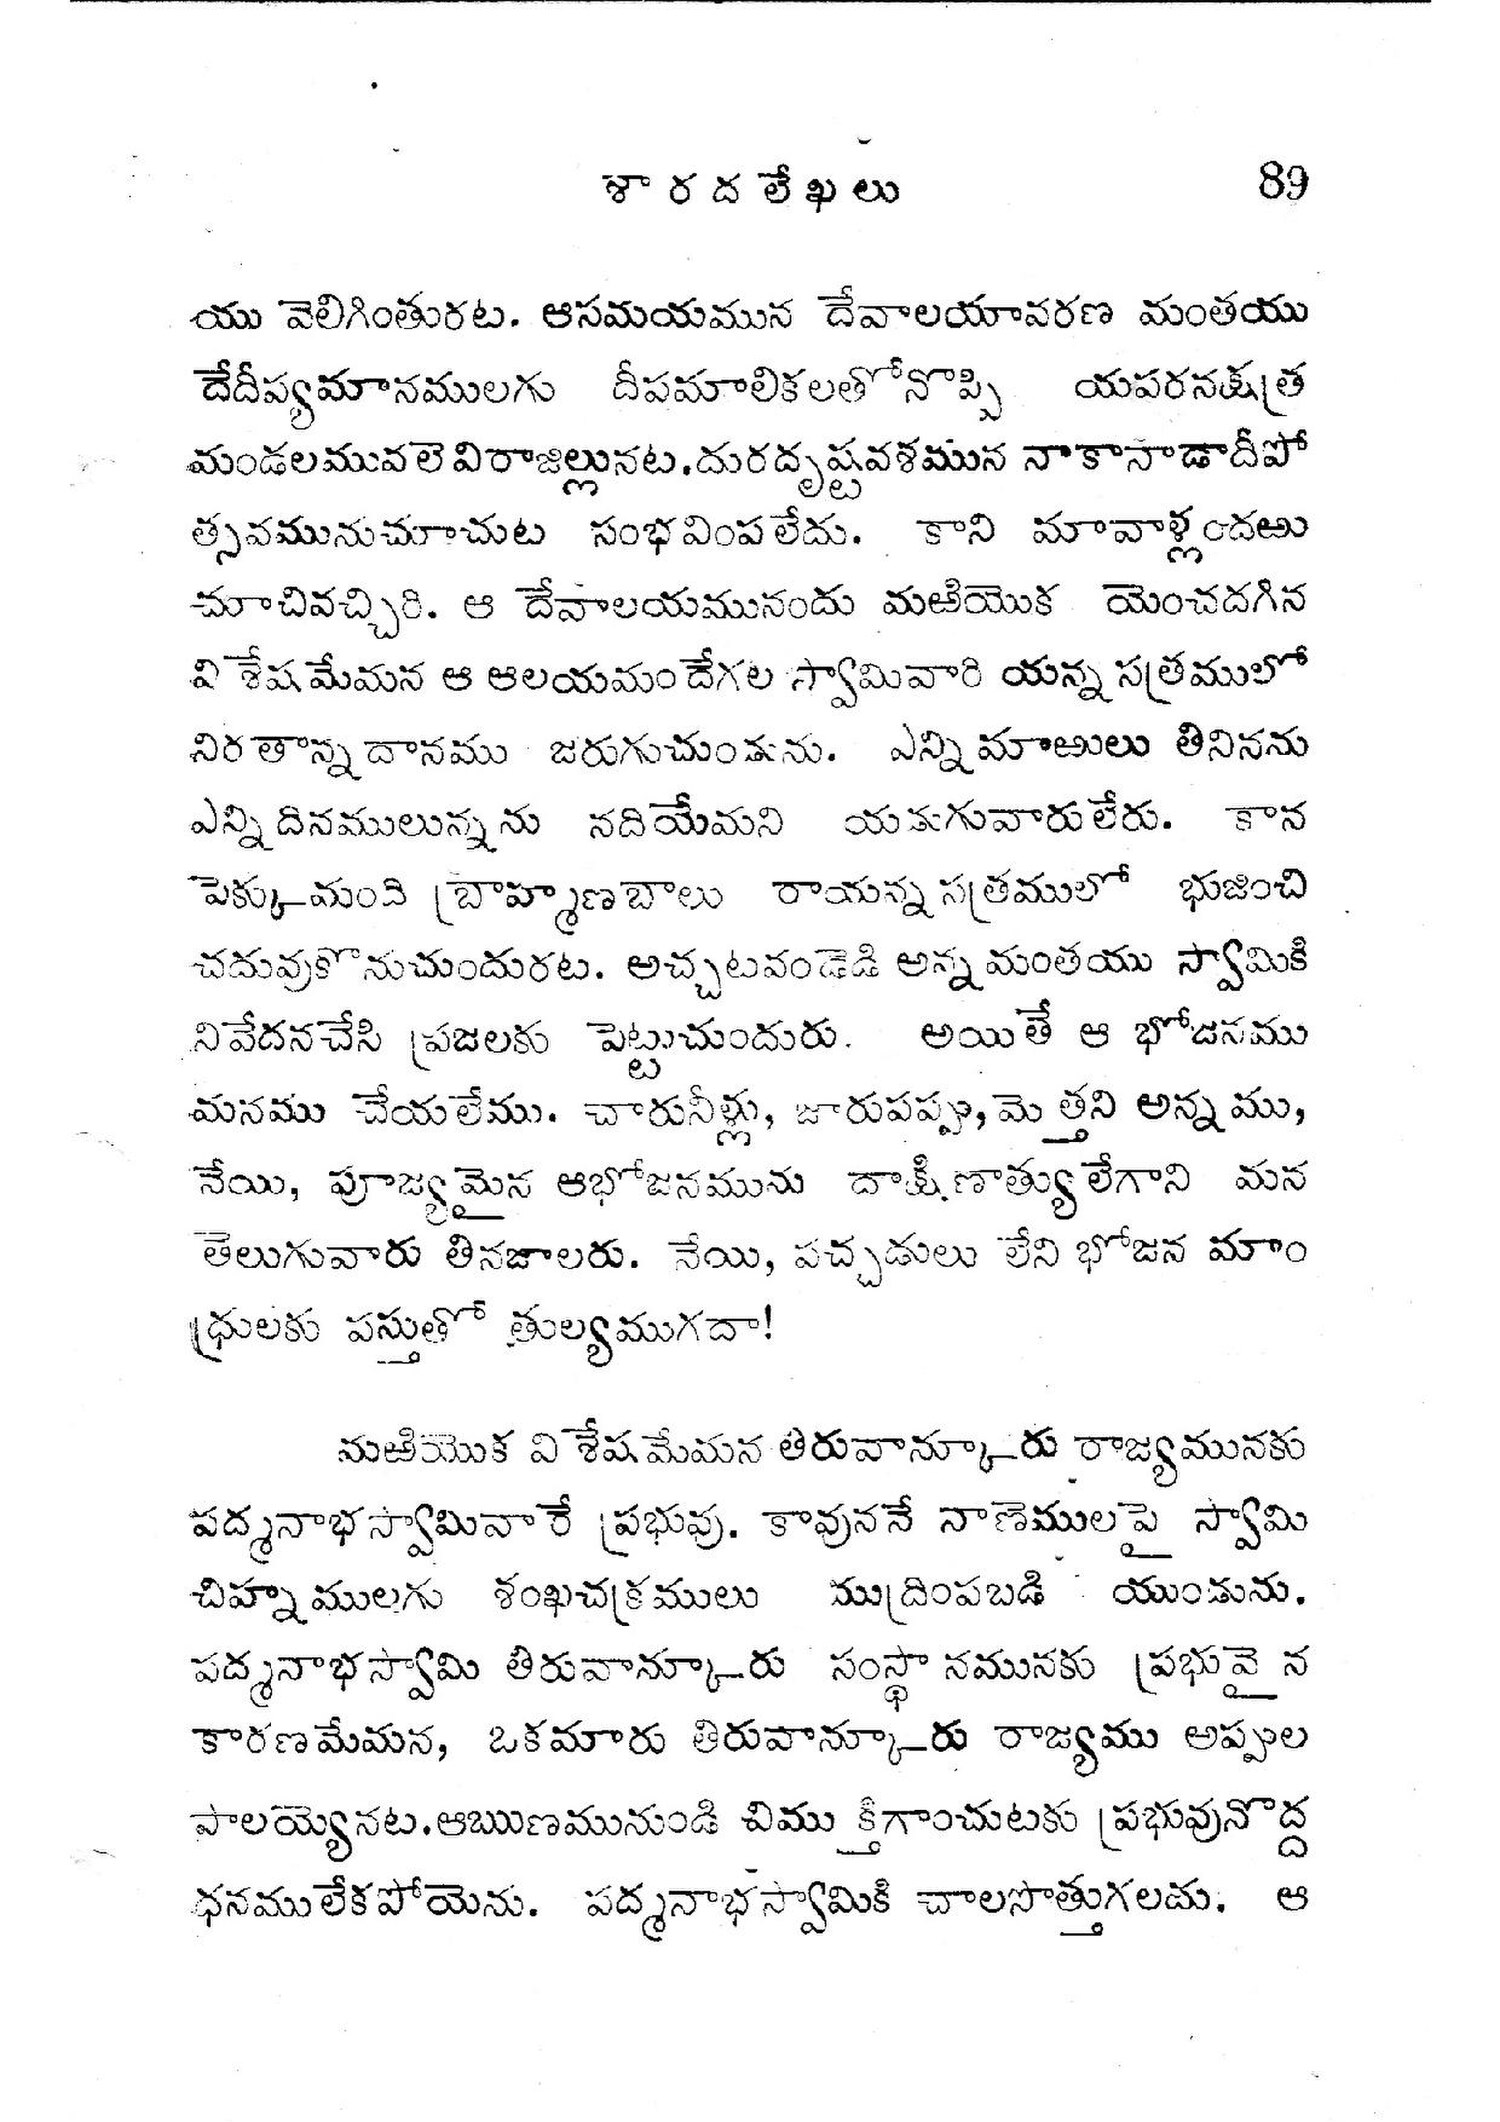యు వెలిగింతురట. ఆసమయమున దేవాలయావరణ మంతయు దేదీప్యమానములగు దీపమాలికలతోనొప్పి యపరనక్షత్ర మండలమువలెవిరాజిల్లునట. దురదృష్టవశమున నాకానాడాదీపోత్సవమునుచూచుట సంభవింపలేదు. కాని మావాళ్లందఱు చూచివచ్చిరి. ఆ దేవాలయమునందు మఱియొక యెంచదగిన
విశేషమేమన ఆ ఆలయమందేగల స్వామివారి యన్న సత్రములో నిరతాన్నదానము జరుగుచుండును. ఎన్నిమాఱులు తినినను ఎన్ని దినములున్నను నదియేమని యడుగువారులేరు. కాన పెక్కుమంది బ్రాహ్మణబాలు రాయన్నసత్రములో భుజించి చదువుకొనుచుందురట. అచ్చటవండెడి అన్నమంతయు స్వామికి నివేదనచేసి ప్రజలకు పెట్టుచుందురు. అయితే ఆ భోజనము మనము చేయలేము. చారునీళ్లు, జారుపప్పు, మెత్తని అన్నము, నేయి, పూజ్యమైన ఆభోజనమును దాక్షిణాత్యులేగాని మన తెలుగువారు తినజాలరు. నేయి, పచ్చడులు లేని భోజన మాంధ్రులకు పస్తుతో తుల్యముగదా!

మఱియొక విశేషమేమన తిరువాన్కూరు రాజ్యమునకు పద్మనాభస్వామివారే ప్రభువు. కావుననే నాణెములపై స్వామి చిహ్నములగు శంఖచక్రములు ముద్రింపబడి యుండును. పద్మనాభస్వామి తిరువాన్కూరు సంస్థానమునకు ప్రభువైన కారణమేమన, ఒకమారు తిరువాన్కూరు రాజ్యము అప్పుల పాలయ్యెనట. ఆఋణమునుండి విముక్తిగాంచుటకు ప్రభువునొద్ద ధనములేకపోయెను. పద్మనాభస్వామికి చాలసొత్తుగలదు. ఆ